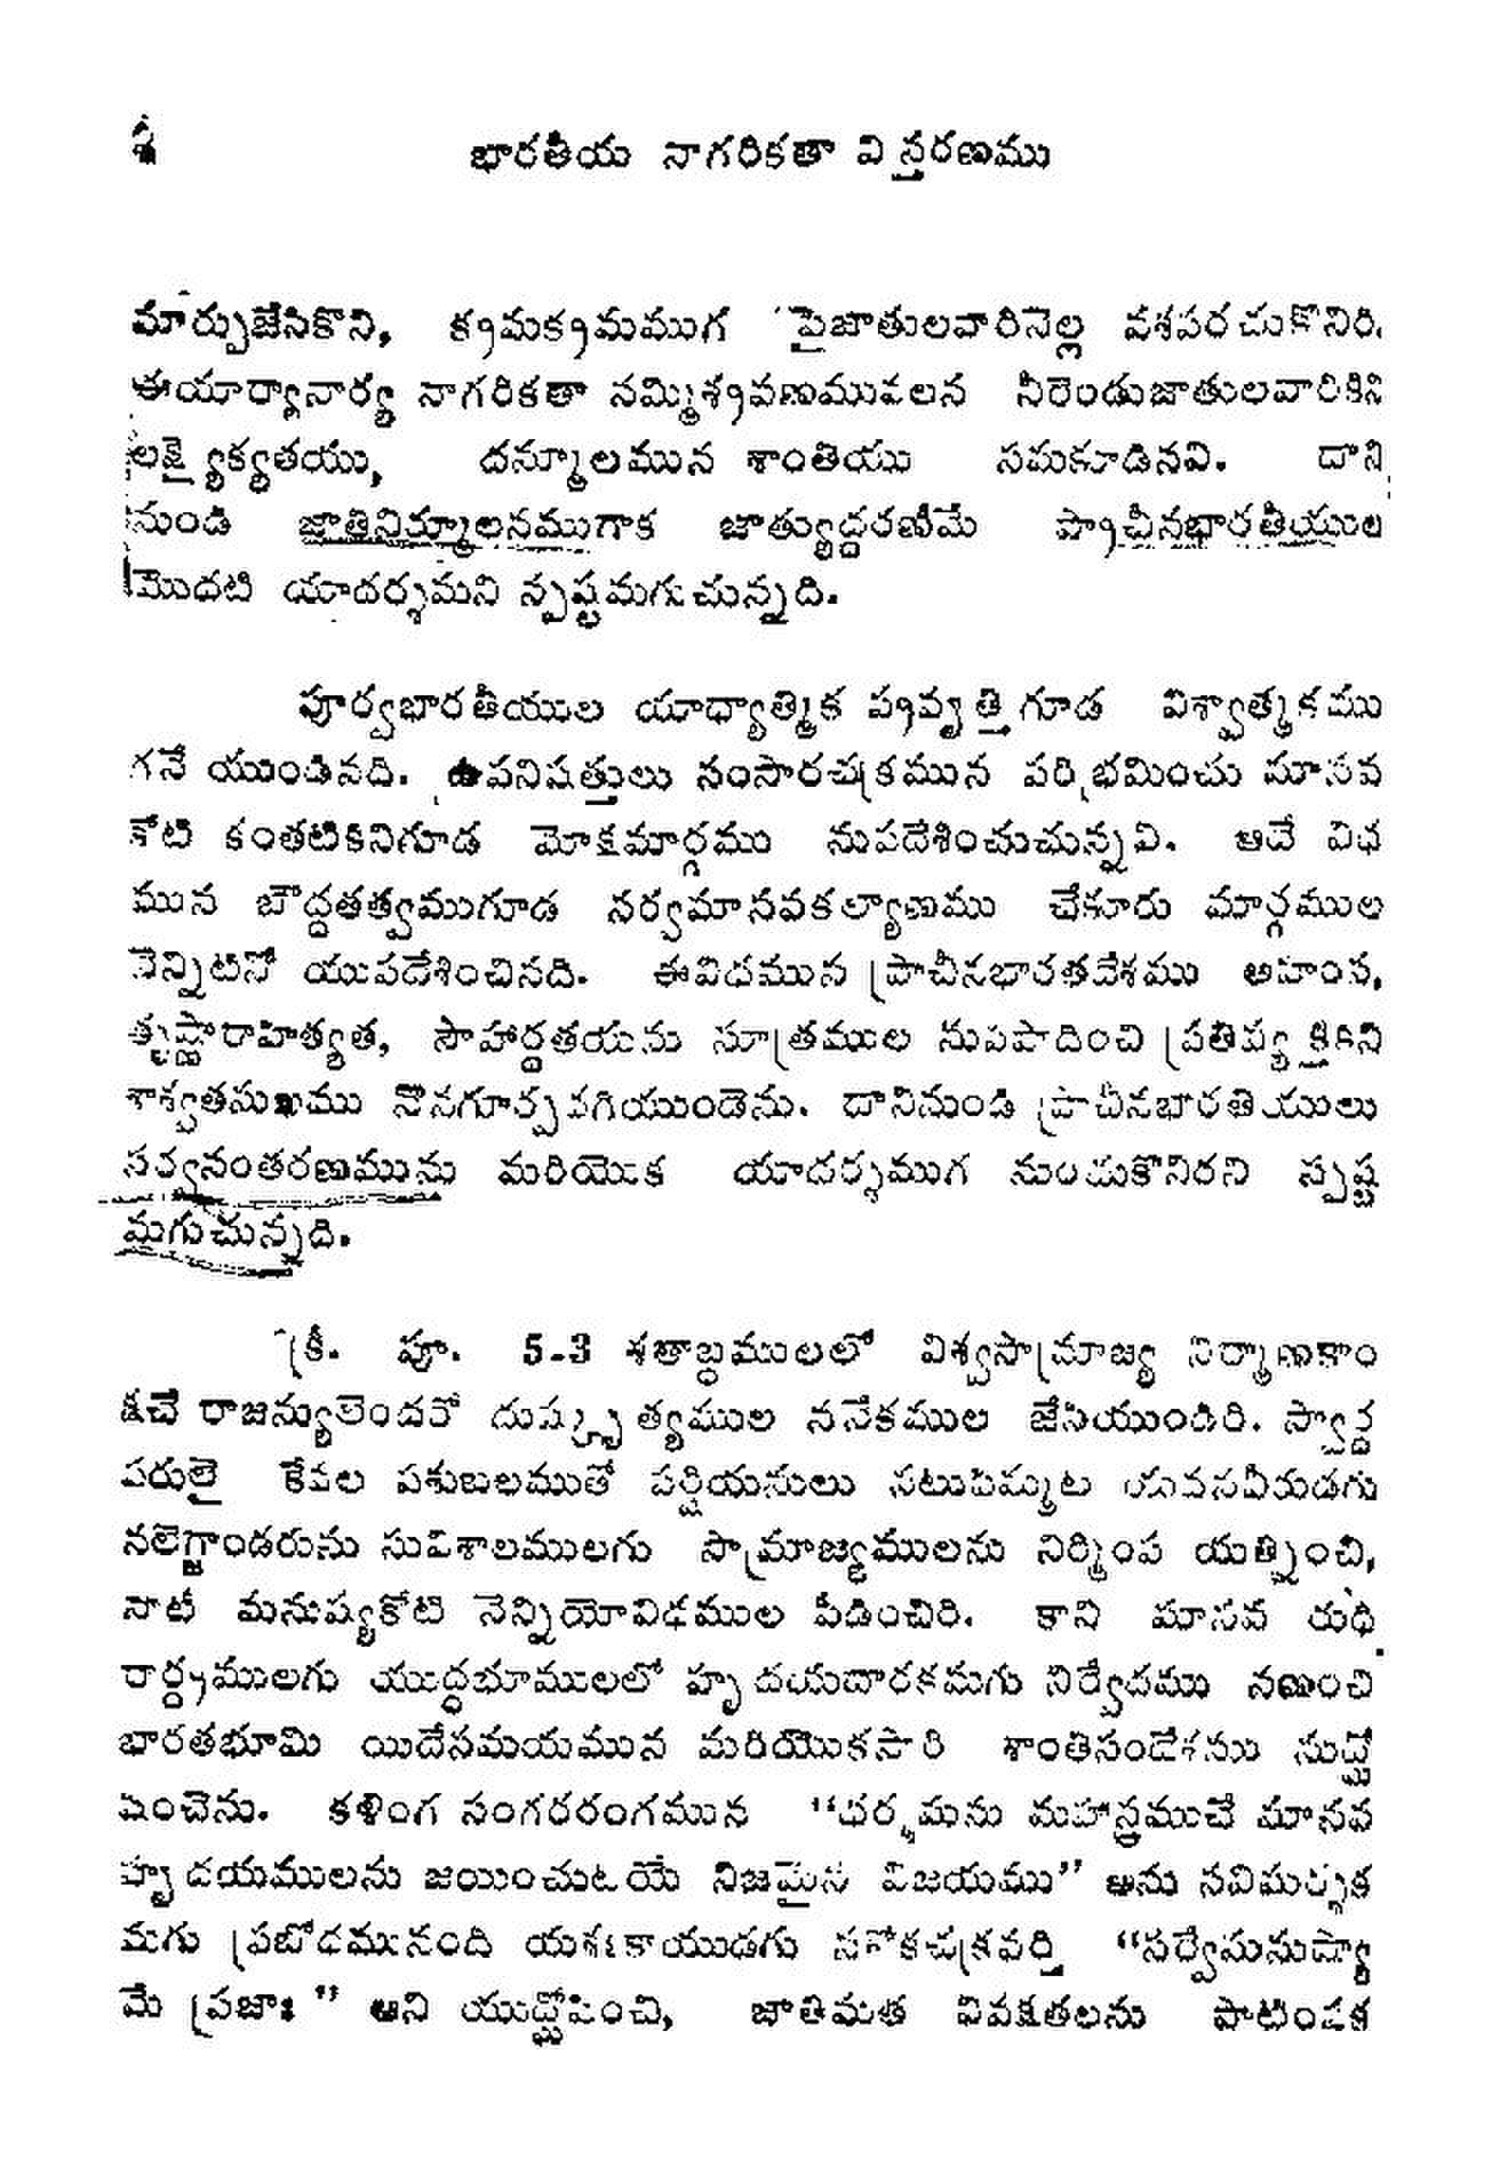మార్పుజేసికొని, క్రమక్రమముగ పైజాతులవారినెల్ల వశపరచుకొనిరి. ఈయార్యానార్య నాగరికతా సమ్మిశ్రవణమువలన నీరెండుజాతులవారికిని లక్ష్యైక్యతయు, దన్మూలమున శాంతియు సమకూడినవి. దానినుండి జాతినిర్మూలనముగాక జాత్యుద్దరణిమే ప్రాచీనభారతీయుల మొదటి యాదర్శమని స్పష్టమగుచున్నది.

పూర్వభారతీయుల యాద్యాత్మిక ప్రవృత్తిగూడ విశ్వాత్మకముగనే యుండినది. ఉపనిషత్తులు సంసారచక్రమున పరిభ్రమించు మానవకోటి కంతటికినిగూడ మోక్షమార్గము నుపదేశించుచున్నవి. అదే విధమున బౌద్దతత్వముగూడ సర్వమానవ కల్యాణము చేకూరు మార్గముల నెన్నిటినో యుపదేశించినది. ఈవిదమున ప్రాచీనభారతదేశము అహింస, తృష్ణారాహిత్యత, సాహార్దతయను సూత్రముల నుపపాదించి ప్రతివ్యక్తికిని శాశ్వతసుఖము నొనగూర్పదగియుండెను. దానినుండి ప్రాచీనభారతీయులు సర్వసంతరణమును మరియొక యాదర్శముగ నుంచుకొనిరని స్పష్టమగుచున్నది.

క్రీ. పూ. 5-3 శతాబ్దములలో విశ్వసామ్రాజ్య నిర్మాణకాంక్షచే రాజన్యులెందరో దుష్కృత్యముల ననేకముల జేసియుండిరి. స్వార్దపరులై కేవల పశుబలముతో పర్షియనులు నటుపిమ్మట యవనవీరుడగు నలెగ్జాండరును సువిశాలములగు సామ్రాజ్యములను నిర్మింప యత్నించి, నాటి మనుష్యకోటి నెన్నియోవిధముల పీడించిరి. కాని మానవ రుధిరార్దృములగు యుద్ధభూములలో హృదయదారకమగు నిర్వేదము నణంచి భారతభూమి యిదేసమయమున మరియొకసారి శాంతిసందేశము సుద్ఘోషించెను. కళింగ సంగరరంగమున "దర్మమను మహాస్త్రముచే మానవ హృదయములను జయించుటయే నిజమైన విజయము" అను సవిమర్శకమగు ప్రబోదమునంది యశ:కాయుడగు నశోకచక్రవర్తి "సర్వేమనుష్యామే ప్రజా:" అని యుద్ఘోపించి, జాతిమత వివక్షతలను పాటింపక